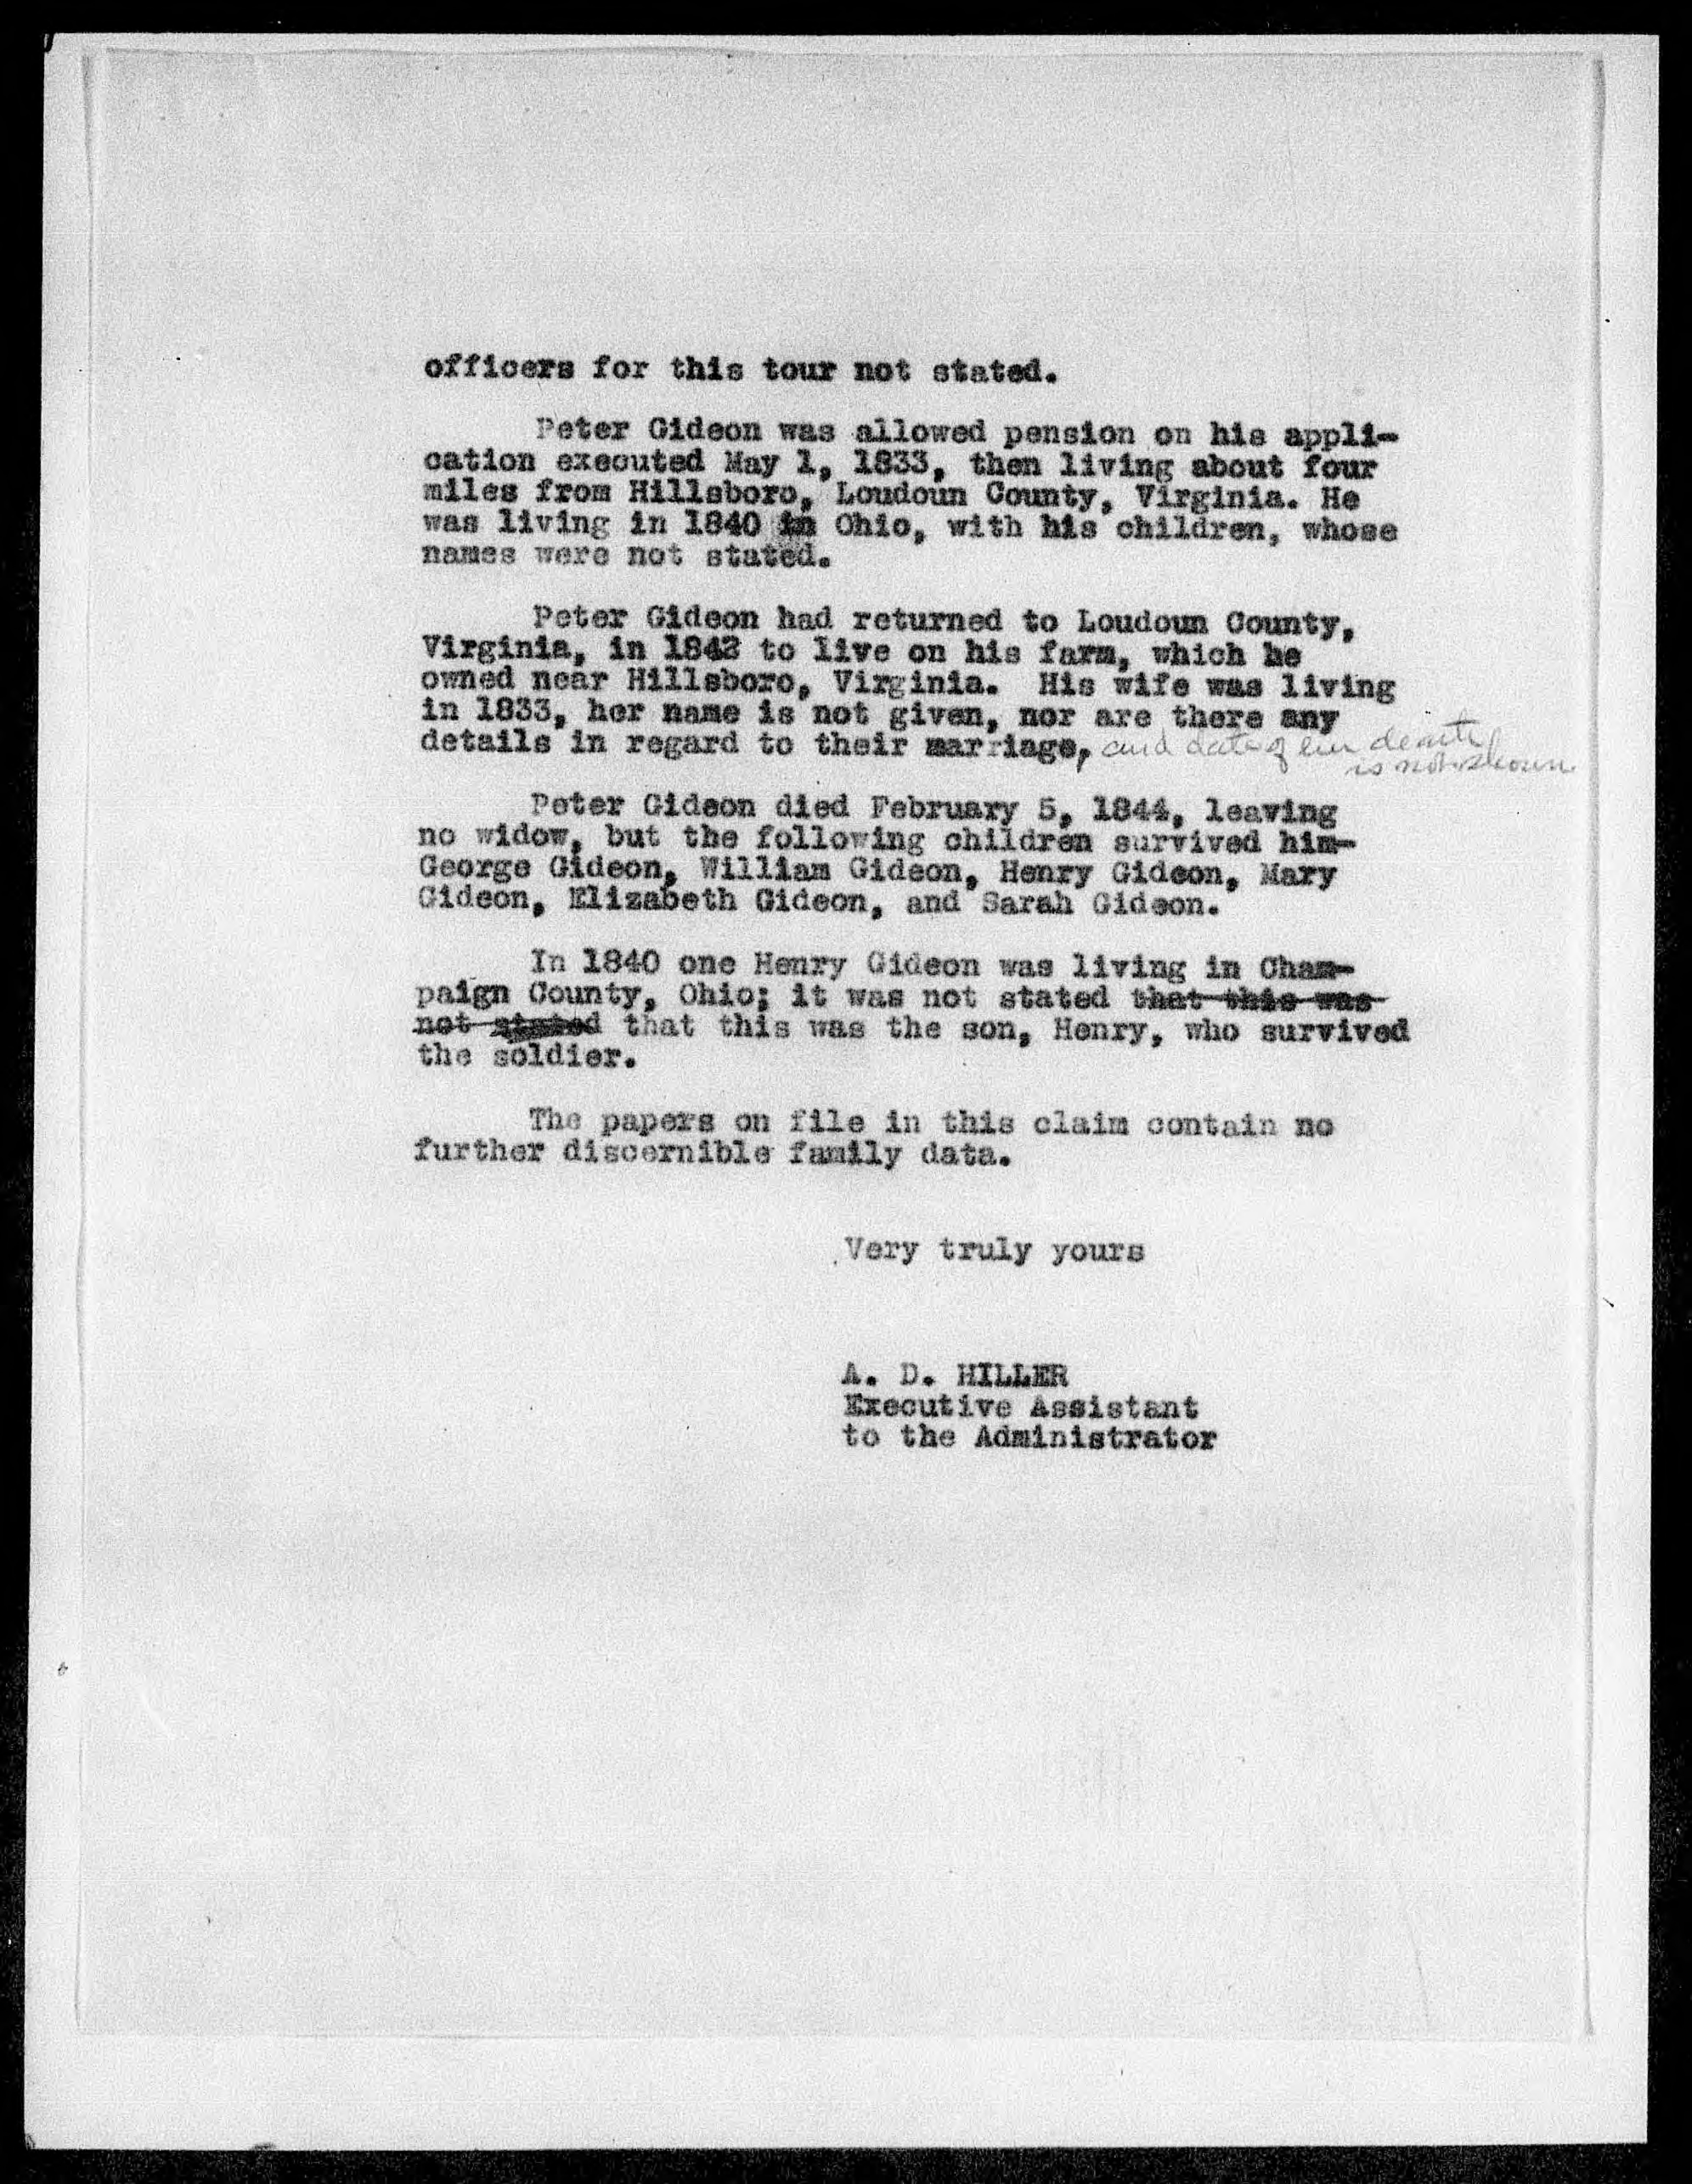officers for this tour not stated.
Peter Gideon was allowed pension on his appli
cation executed May 11, 1833, then living about four miles from Hillsboro, Loudoun County, Virginia. He was living in 1840 in Ohio, with his children, whose names were not stated.
Peter Gideon had returned to Loudoun County,
Virginia, in 1842 to live on his farm, which he
owned near Hillsboro, Virginia. His wife was living in 1833, her name is not given, nor are there any details in regard to their marriage, and date of death is not shown.
Peter Gideon died February 5, 1844, leaving
no widow, but the following children survived him George Gideon, William Gideon, Henry Gideon, Mary Gideon, Elizabeth Gideon, and Sarah Gideon.
In 1840 one Henry Gideon was living in Champaign County, Ohio; it was not stated [cross out text:that this was
not stated] that this was the son, Henry, who survived the soldier.
The papers on file in this claim contain no
further discernible family data.
Very truly yours
A. D. HILLER
Executive Assistant
to the Administrator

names: Henry Gideon, Peter Gideon, Henry Gideon, Henry, George Gideon, Peter Gideon, Elizabeth Gideon, Peter Gideon, A D Hiller, Mary Gideon, William Gideon, Sarah Gideon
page: 14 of 64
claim: survivor's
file: S. 6887, Peter Gideon, Md.